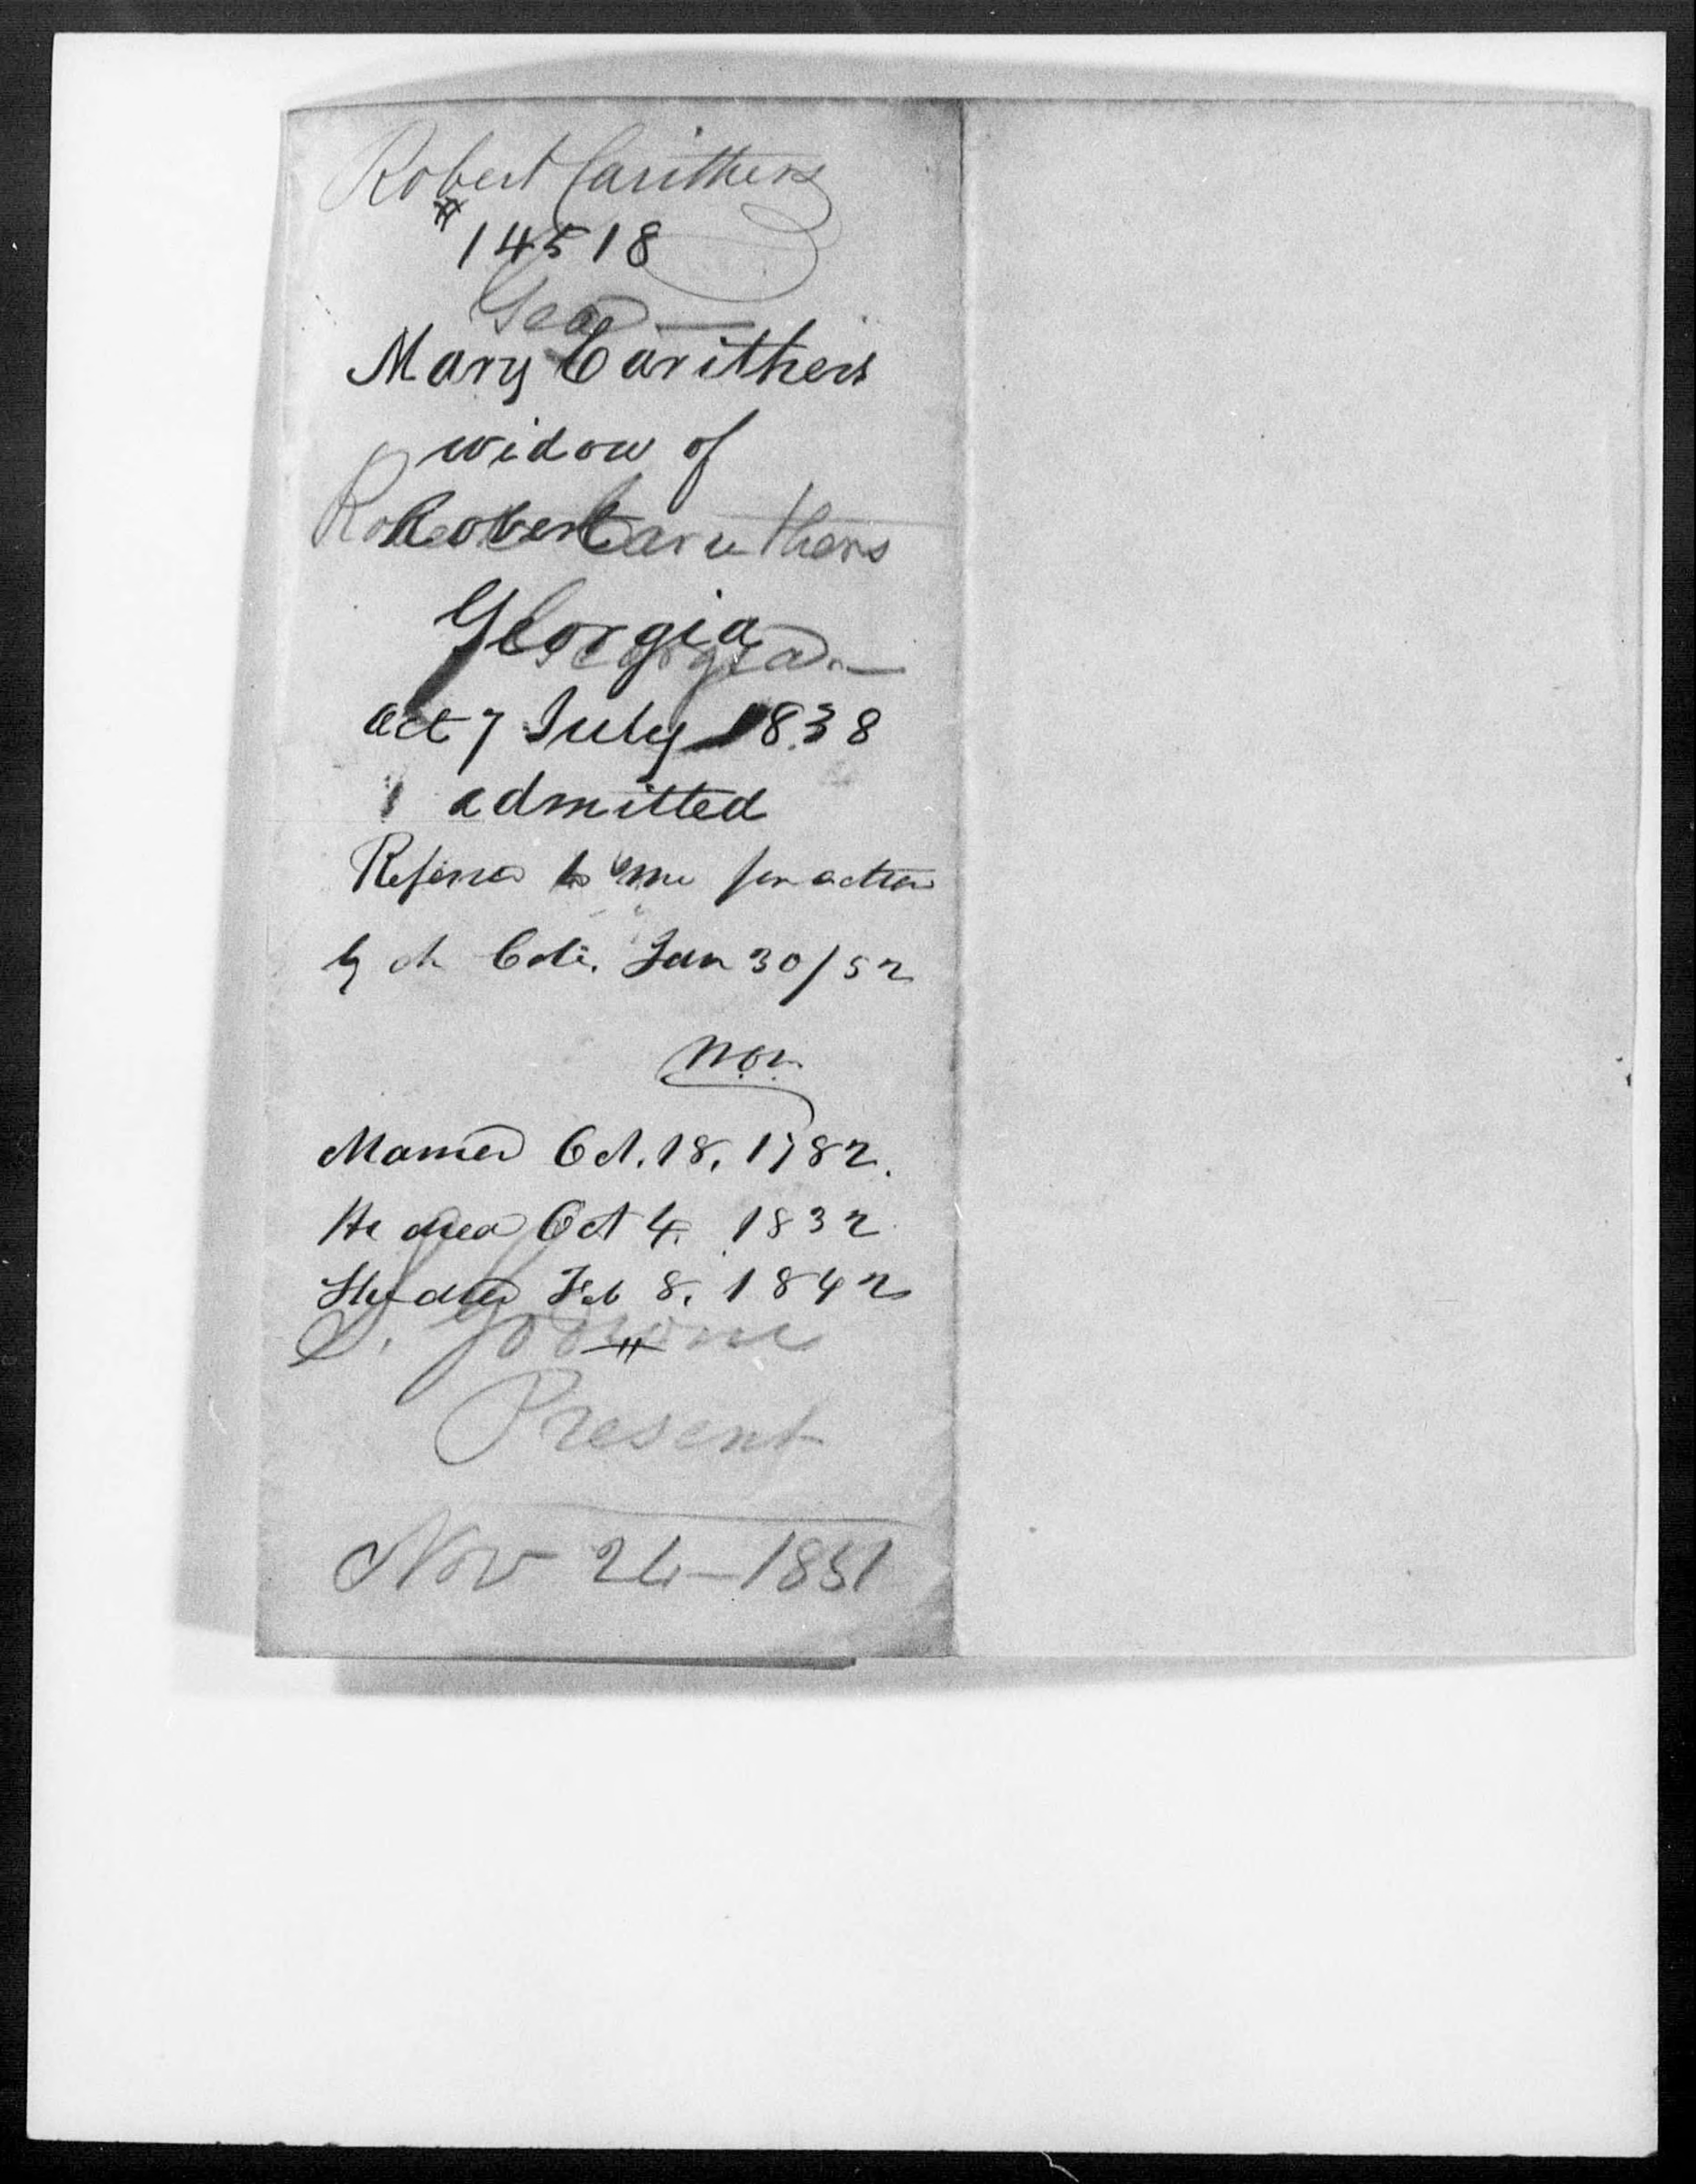Robert Carithers 14518Geo Mary Carithers widow of Robert Carithers Georgia Act 7 July 1838 1 admitted Referred to me for action  by ch  Coli , Jane 30/52 no.s Named Oct 18, 1782 He died Oct 4, 1832 She died Feb 8 1842 S. Goodwin Present Nov 24-1851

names: S Godwin, Mary Carithers, Robert Caruthers, Robert Carithers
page: 25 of 33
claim: widow's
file: W. 23779, Robert Carithers, S.C.